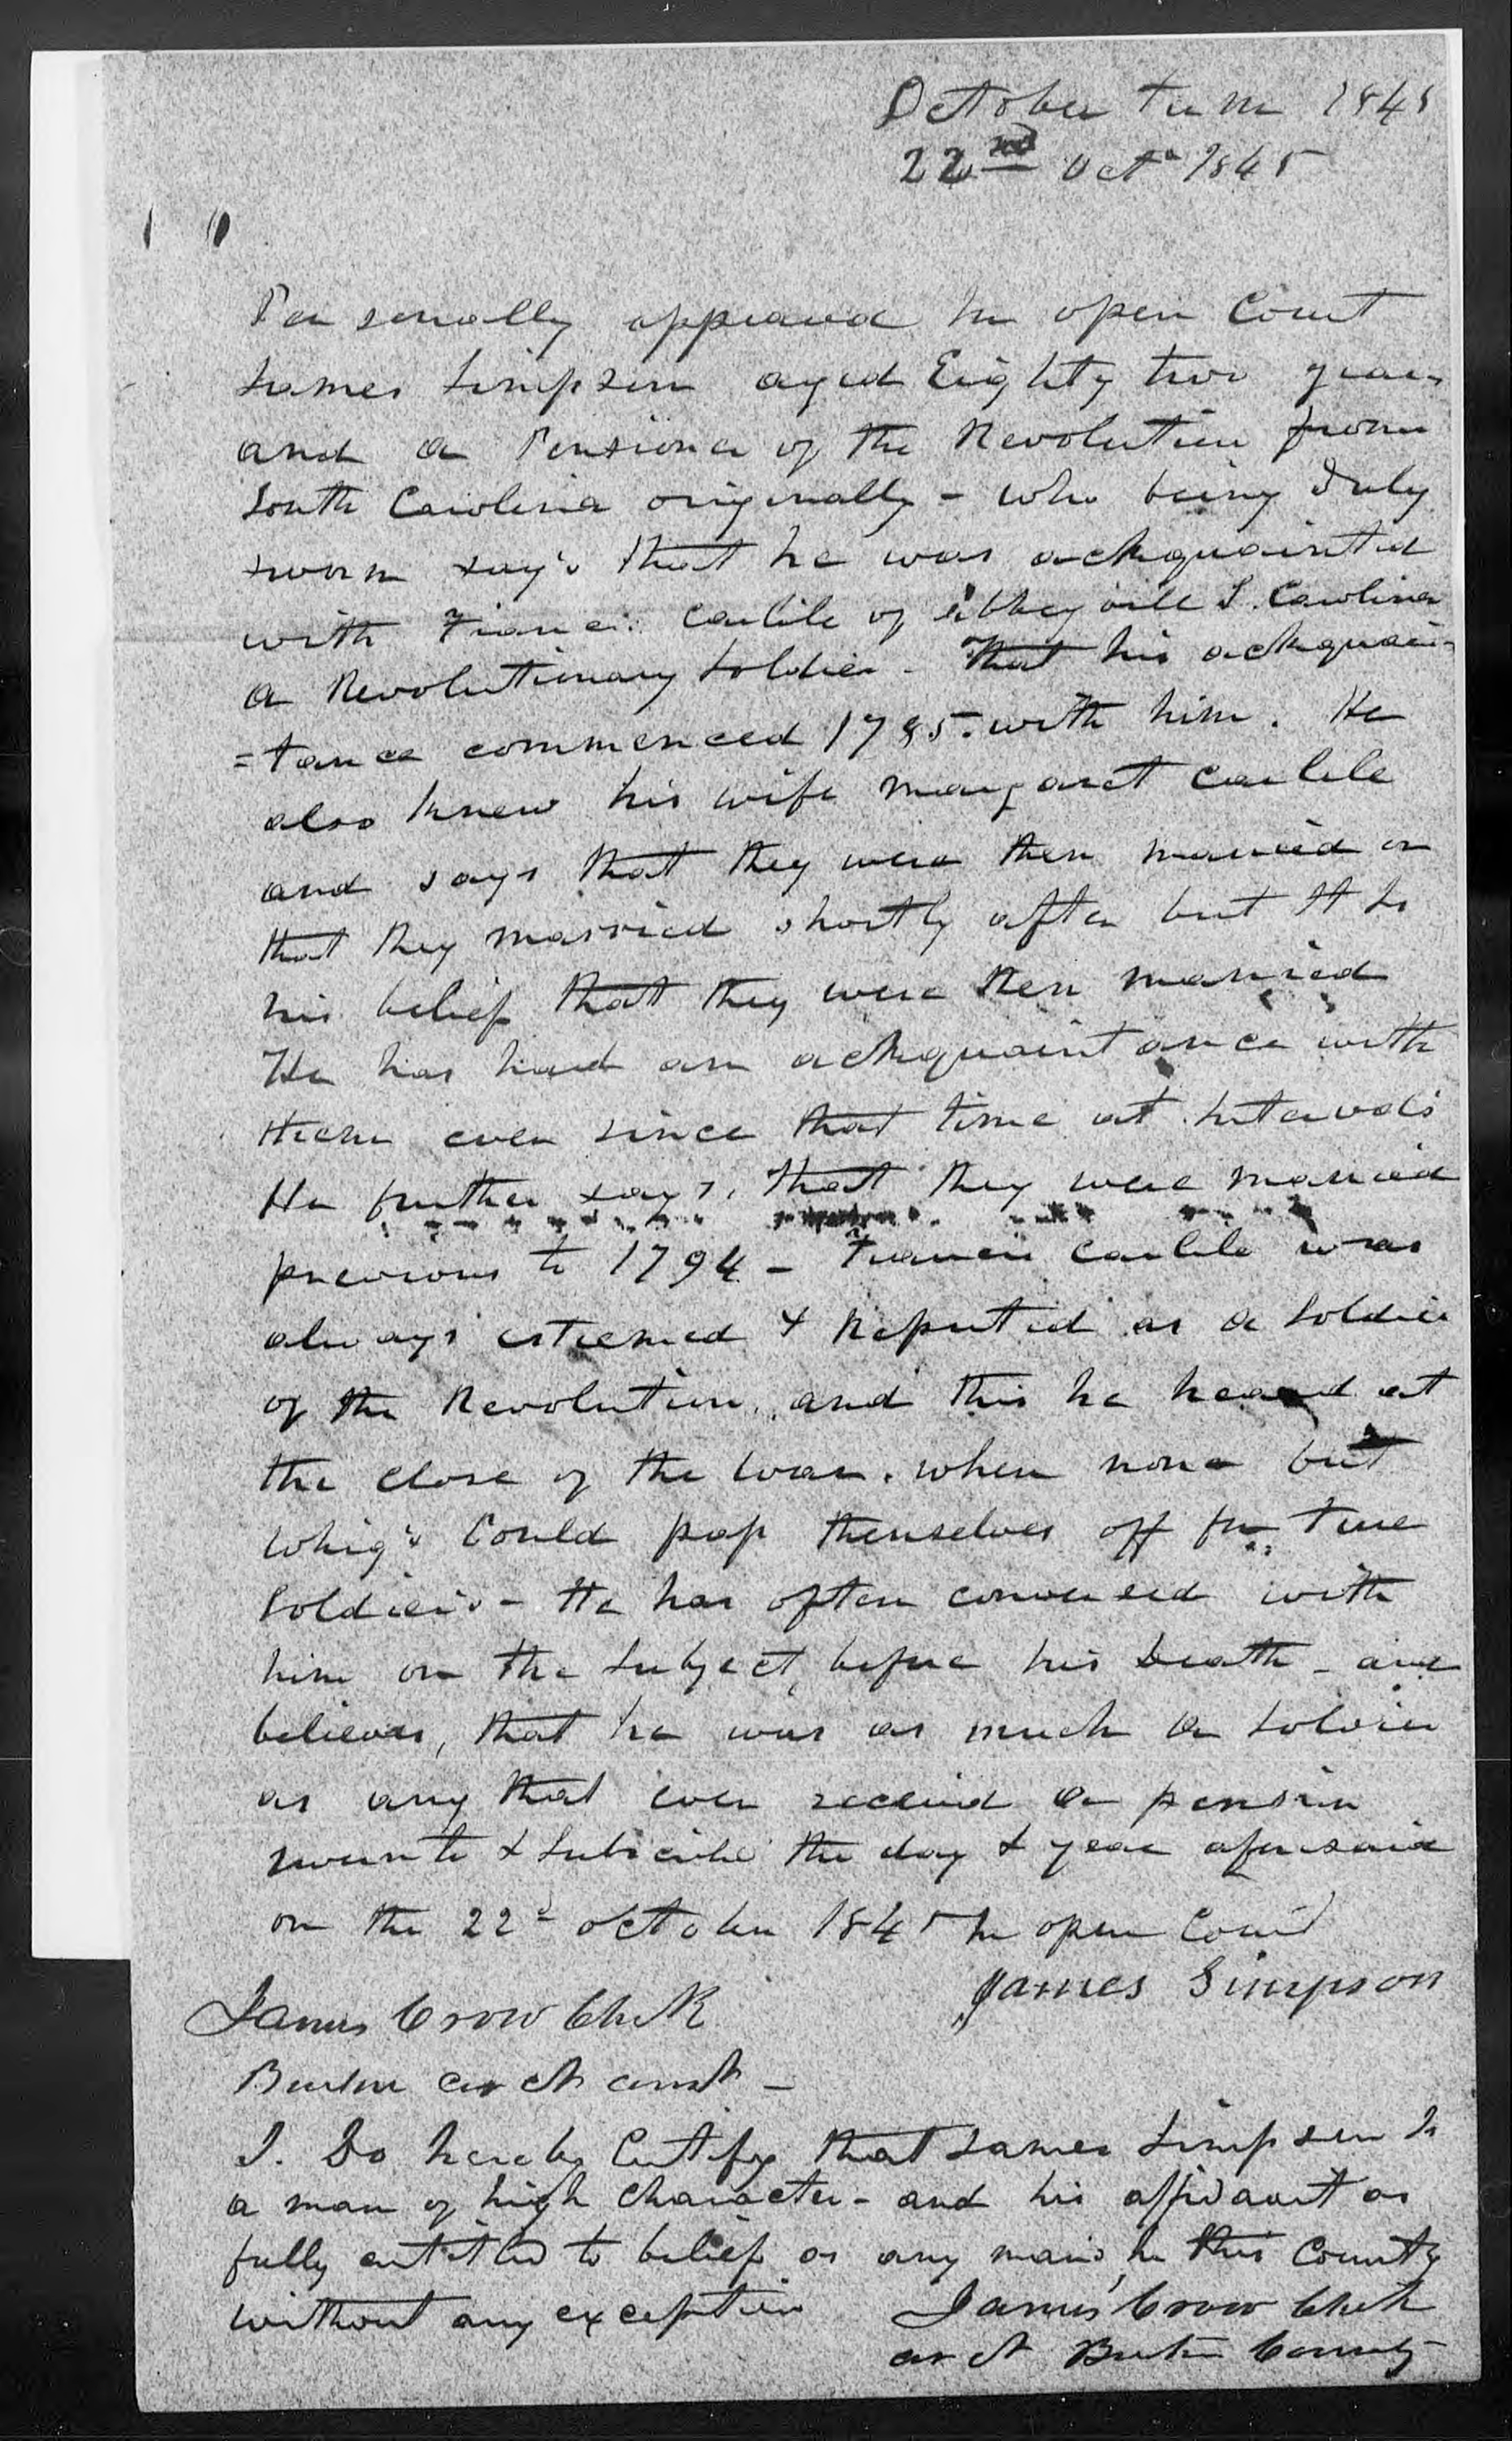October Term 1845
22nd Oct 1845
Personally appeared in open Court James Simpson aged Eighty two years and a Pensioner of the Revolution from South Carolina originally - who being duly sworn say that he was acquainted with
Francis Carlisle of Abbeville S. Carolina, a Revolutionary soldier - That his acquaintance commenced 1785 with him. He also knew his wife Margaret Carlisle and says that they were then married or
that they married shortly after but to his belief that they were then married. He has had an acquaintance with them ever since that time at intervals. He further says, that they was married previous to 1794- Francis Carlisle was always Esteemed & reputed as a soldier of the Revolution, and this he heard at the close of the war when none but Whigs could pass themselves off for true soldiers- he has often conversed with him on the subject before his death and believes, that he was as much a soldier as any that ever received a pension
[signed] James Simpson
sworn to & subscribed the day & year aforesaid on the 22d October 1845 in open Court
James Crow Clerk
Burton Circuit Court

I Do hereby certify that James Simpson is a man of high character, and his affidavit is fully entitled to belief as any man in this County without any exception
James Crow Clerk
at Burton County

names: Margaret Carlile, James Simpson, James Simpson, Francis Carlile, James Simpson, James Crow, Francis Carlile, James Crow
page: 36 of 91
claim: widow's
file: W. 10576, Francis Carlisle, S.C.